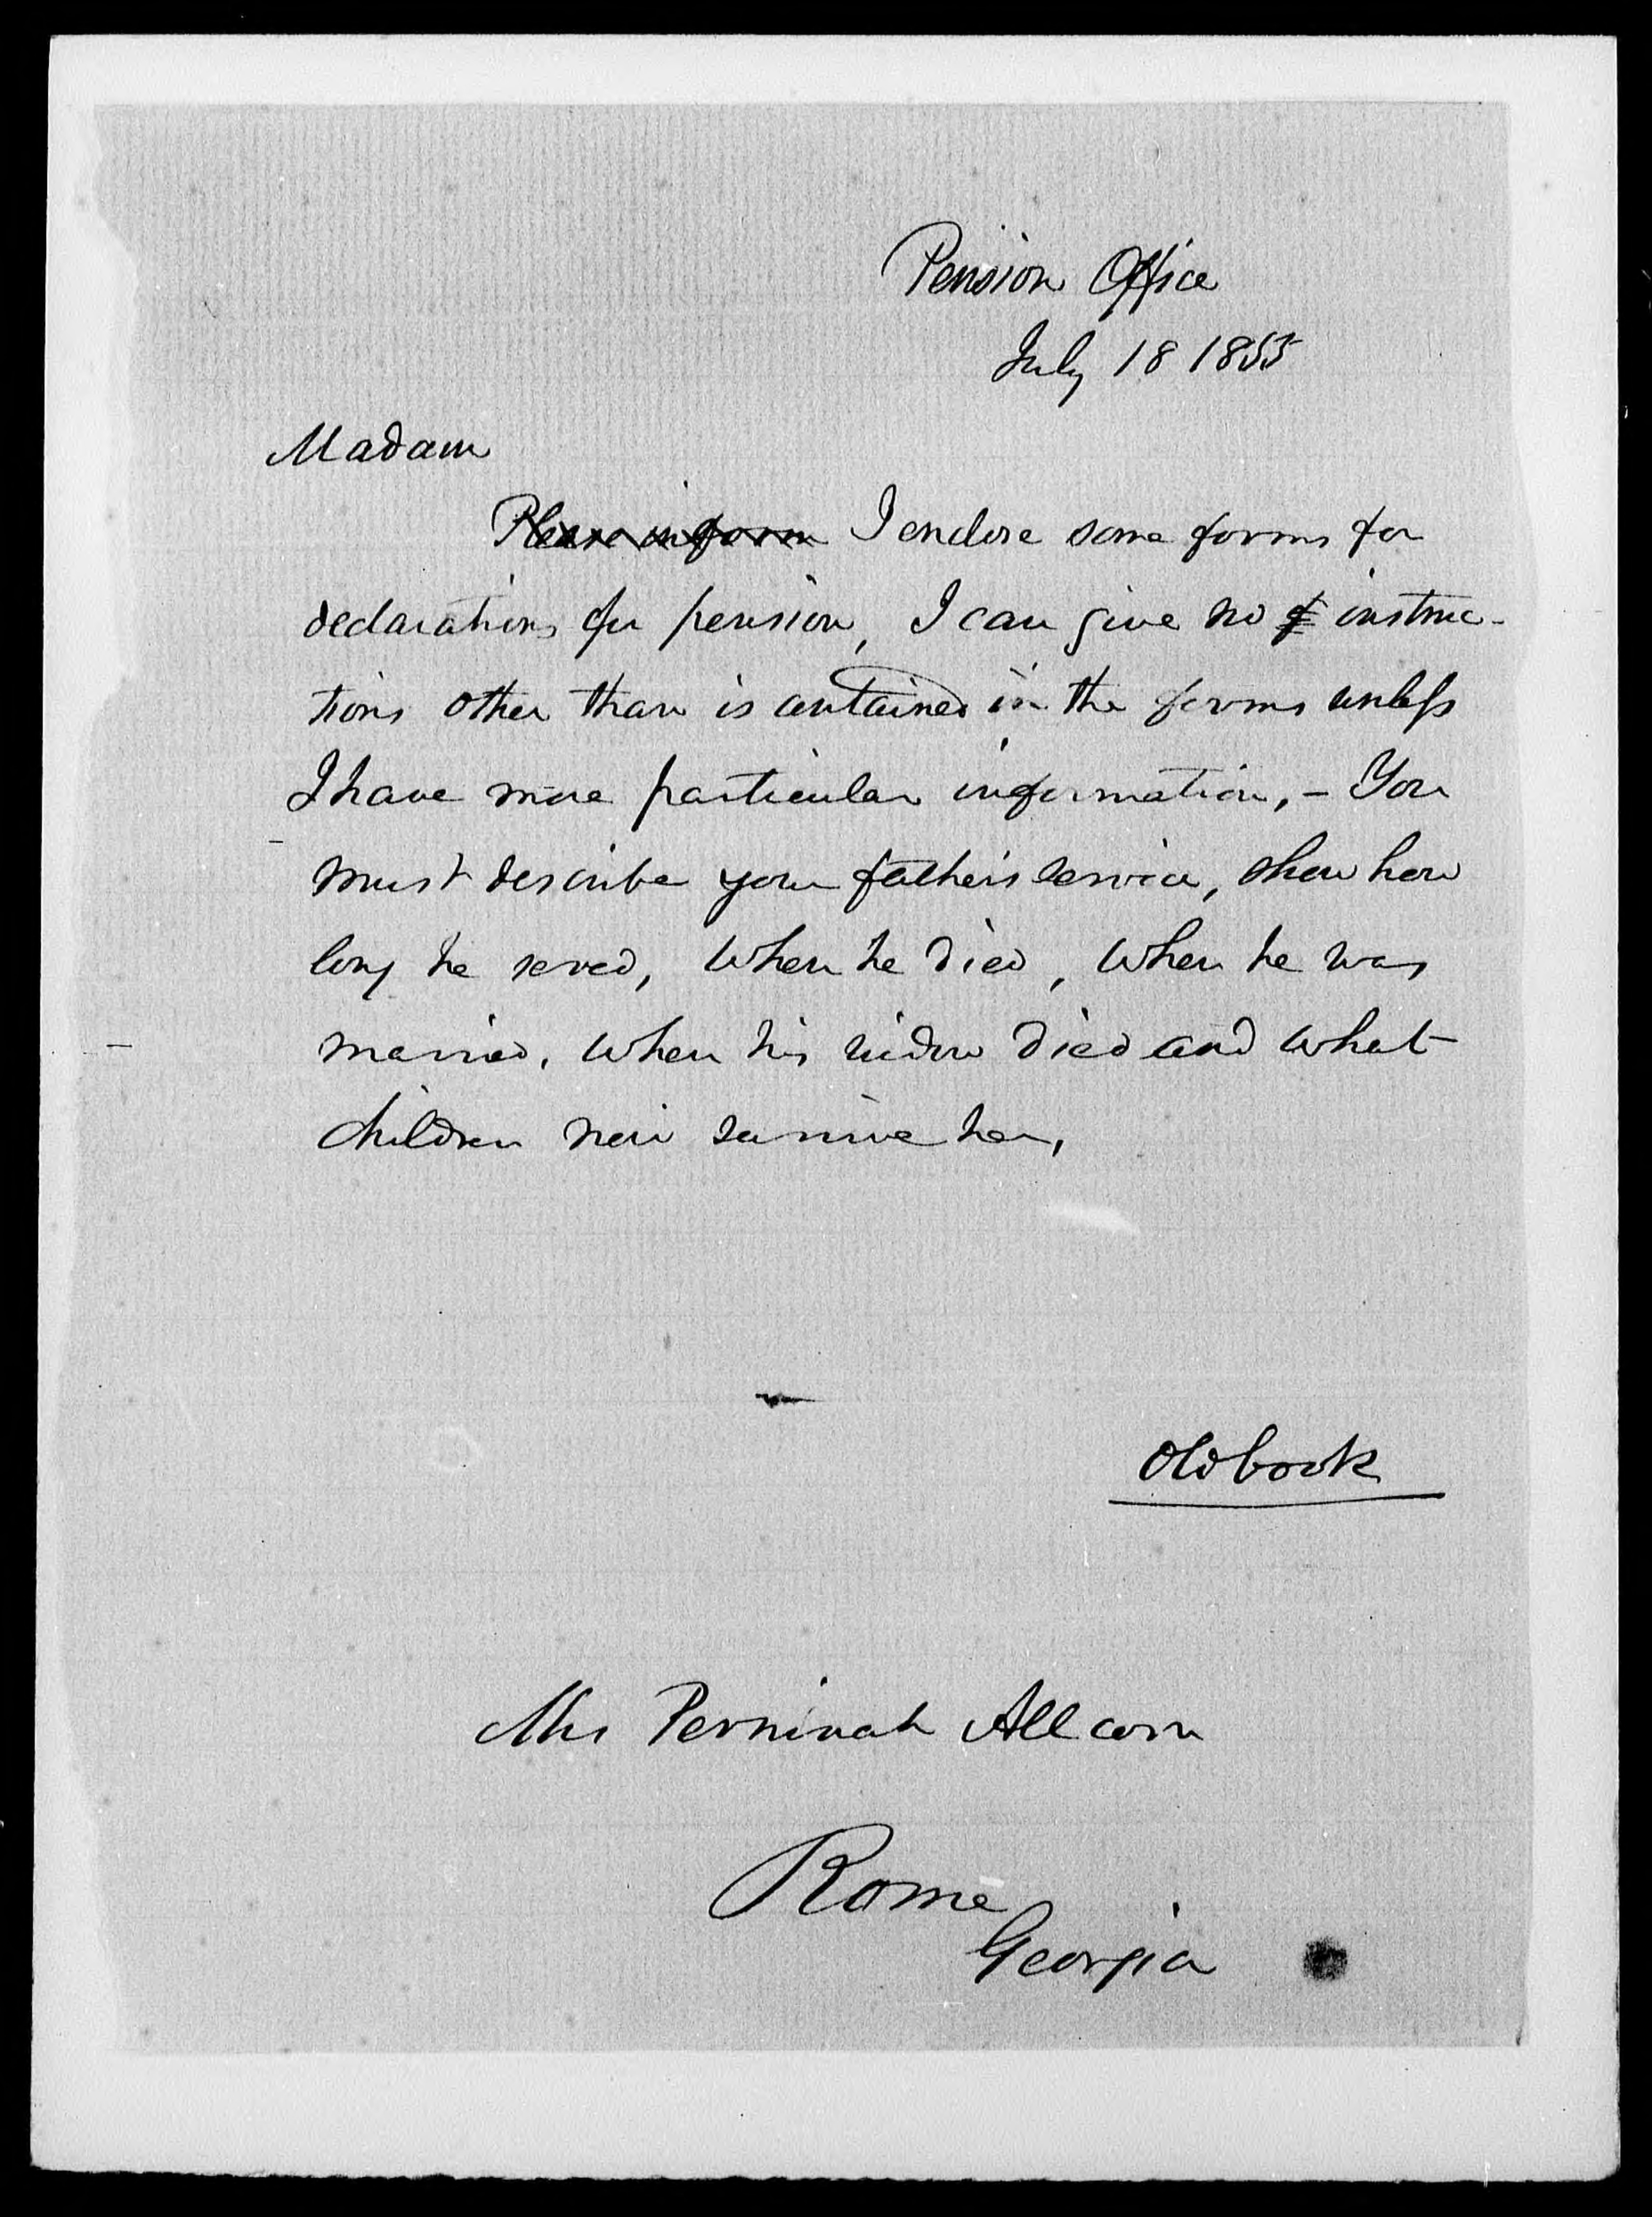Pension Office
July 18 1853
Madam
I enclose some forms for declarations for pension. I can give no instructions other than is contained in the forms unless I have more particular information. You must describe your father's service, show how long he served, when he died, when he was married, when his widow died and what children now survive her.

Olobock

Mrs. Perninah Allcorn
Rome
Georgia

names: Perninah Allcorn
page: 16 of 32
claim: rejected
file: R. 4655, Jesse Harris, N.C.